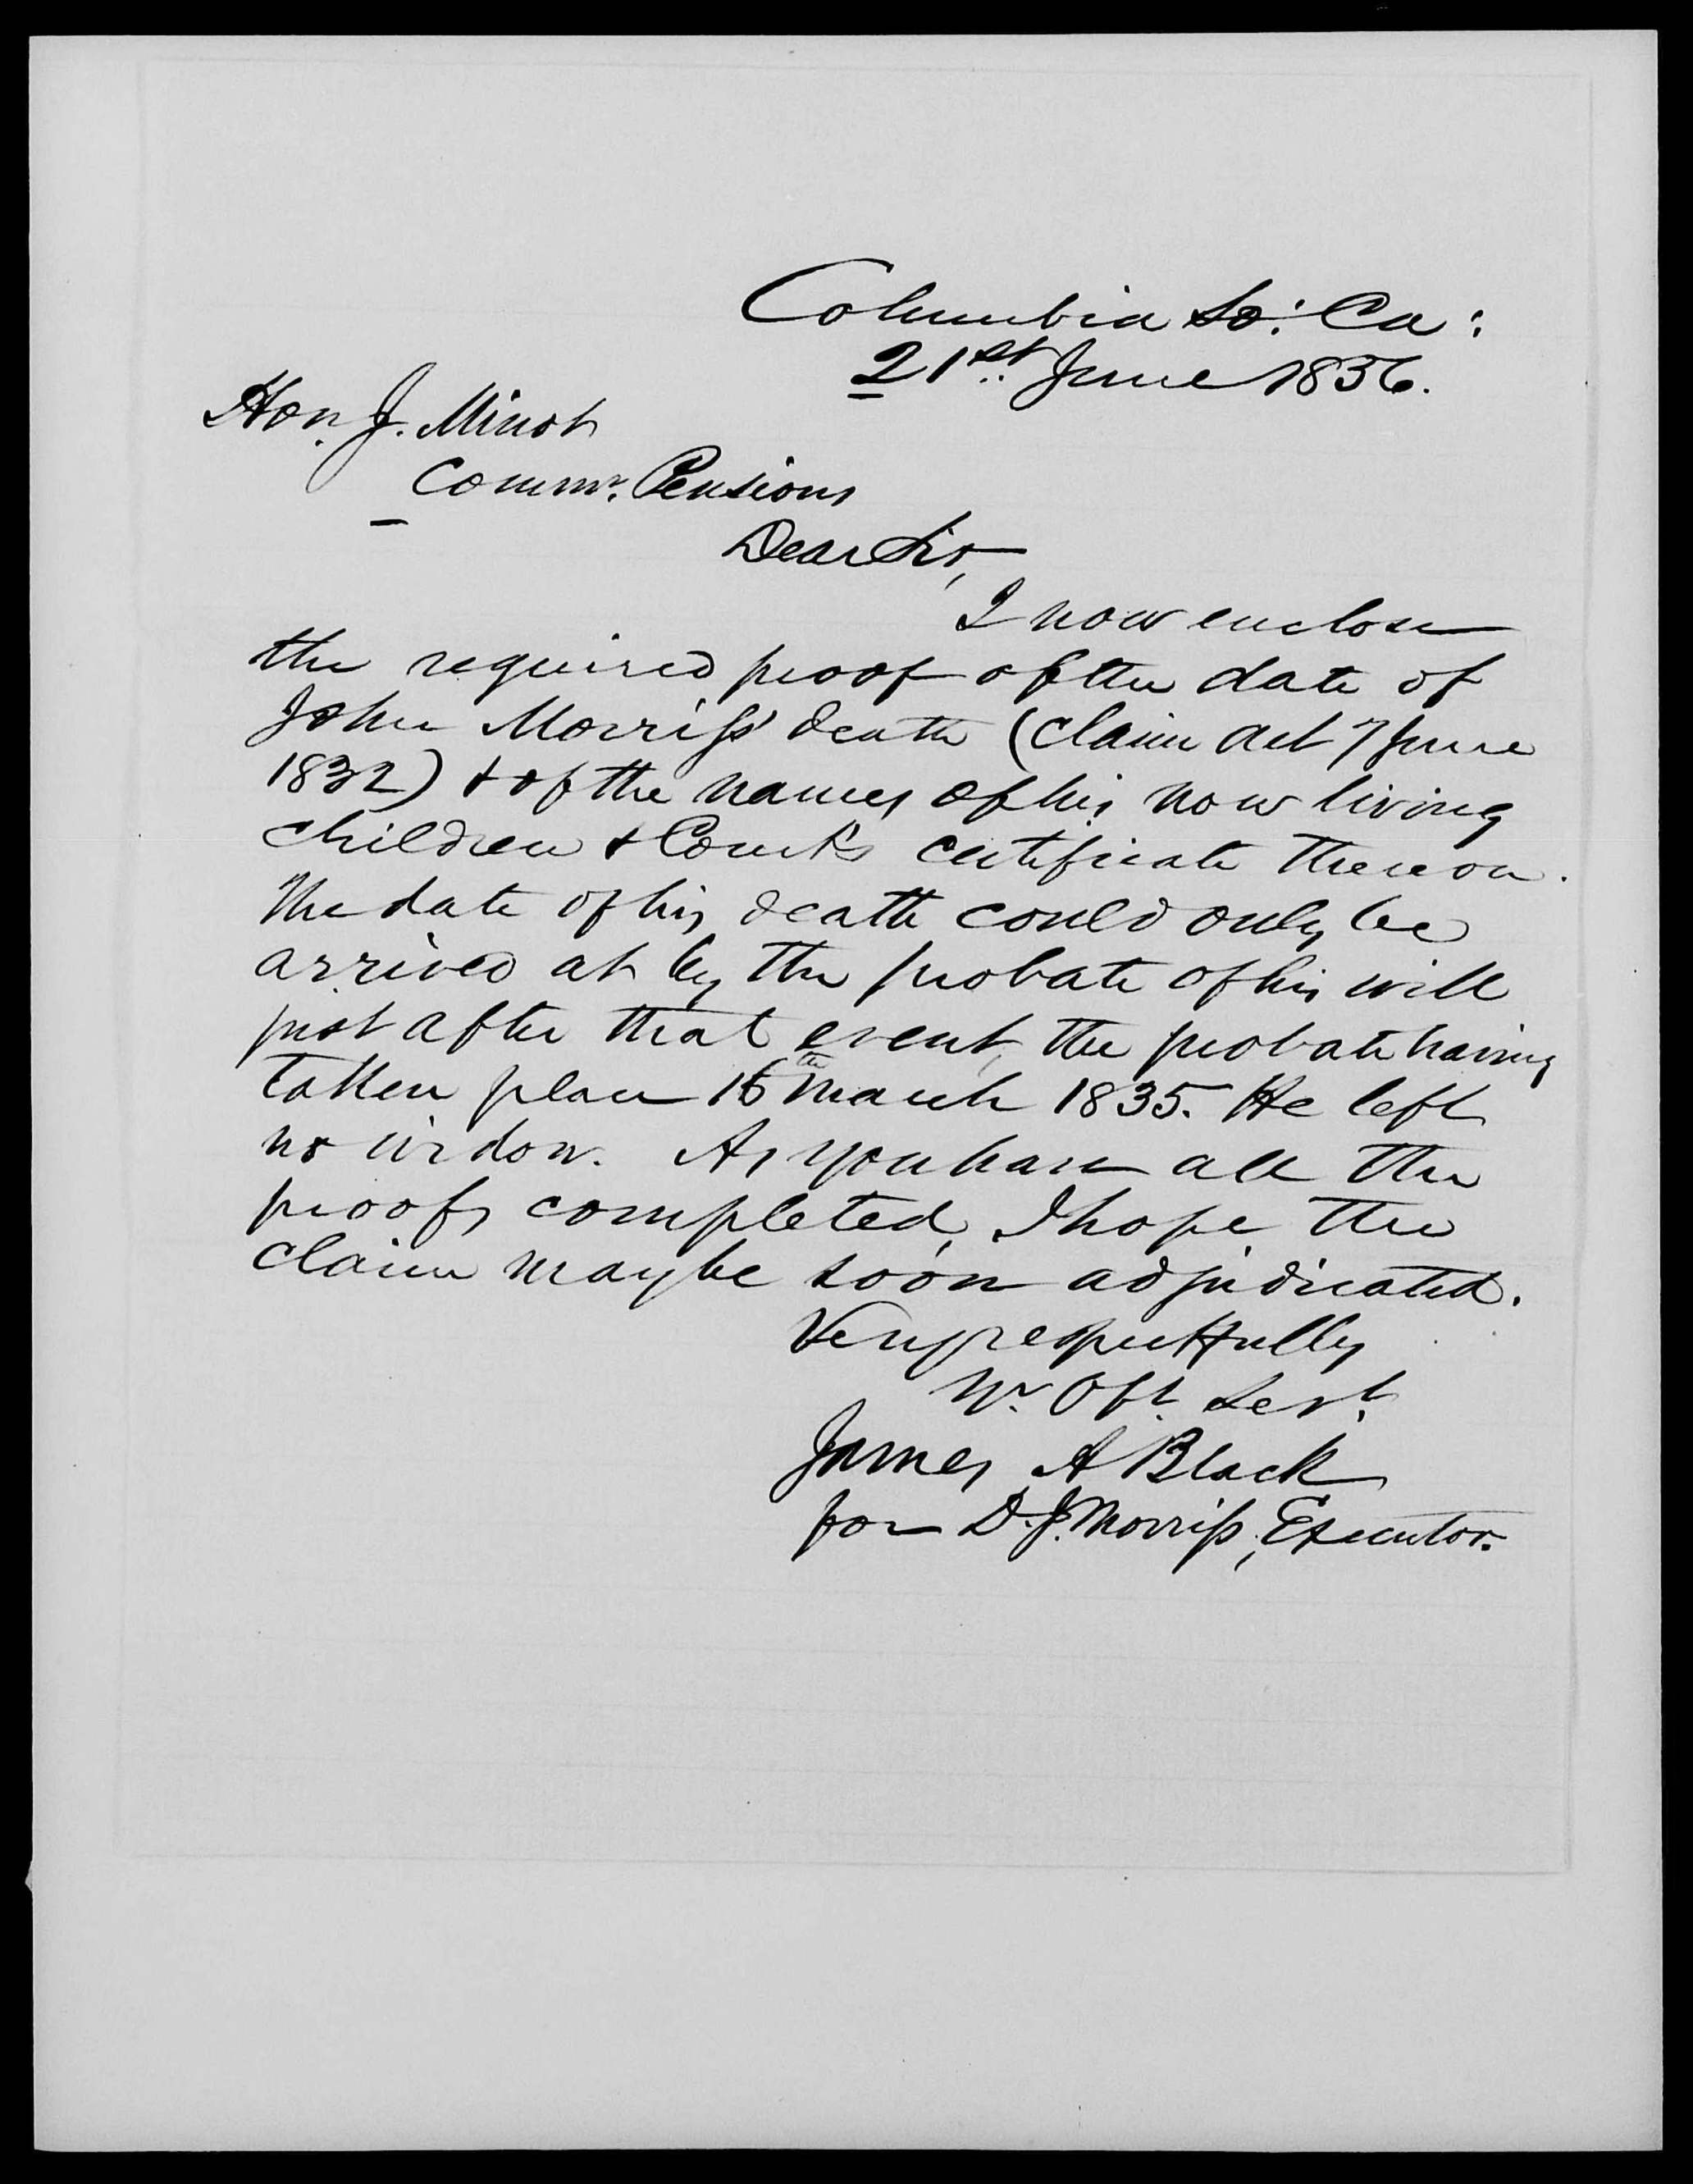Columbia So. Ca.
21st June 1836
Hon J. Minot
Commr Pensions
Dear Sir
I now enclose the required proof of the date of John Morriss death (claim act 7 June 1832) & of the names of his now living children & Court's certificate thereon.
the date of his death could only be
arrived at by the probate of his will
first after that event the probate having taken place 16 March 1835. He left no widow. As you have all the
proof completed I hope the
claim may be soon adjudicated.
Very respetcfully
Yr Obt Sert
James A Black
for D. J. Morris Executor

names: J Minot; John Morriss; D J Morriss; James A Black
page: 11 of 20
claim: rejected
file: R. 7407, for John Morriss, South Carolina